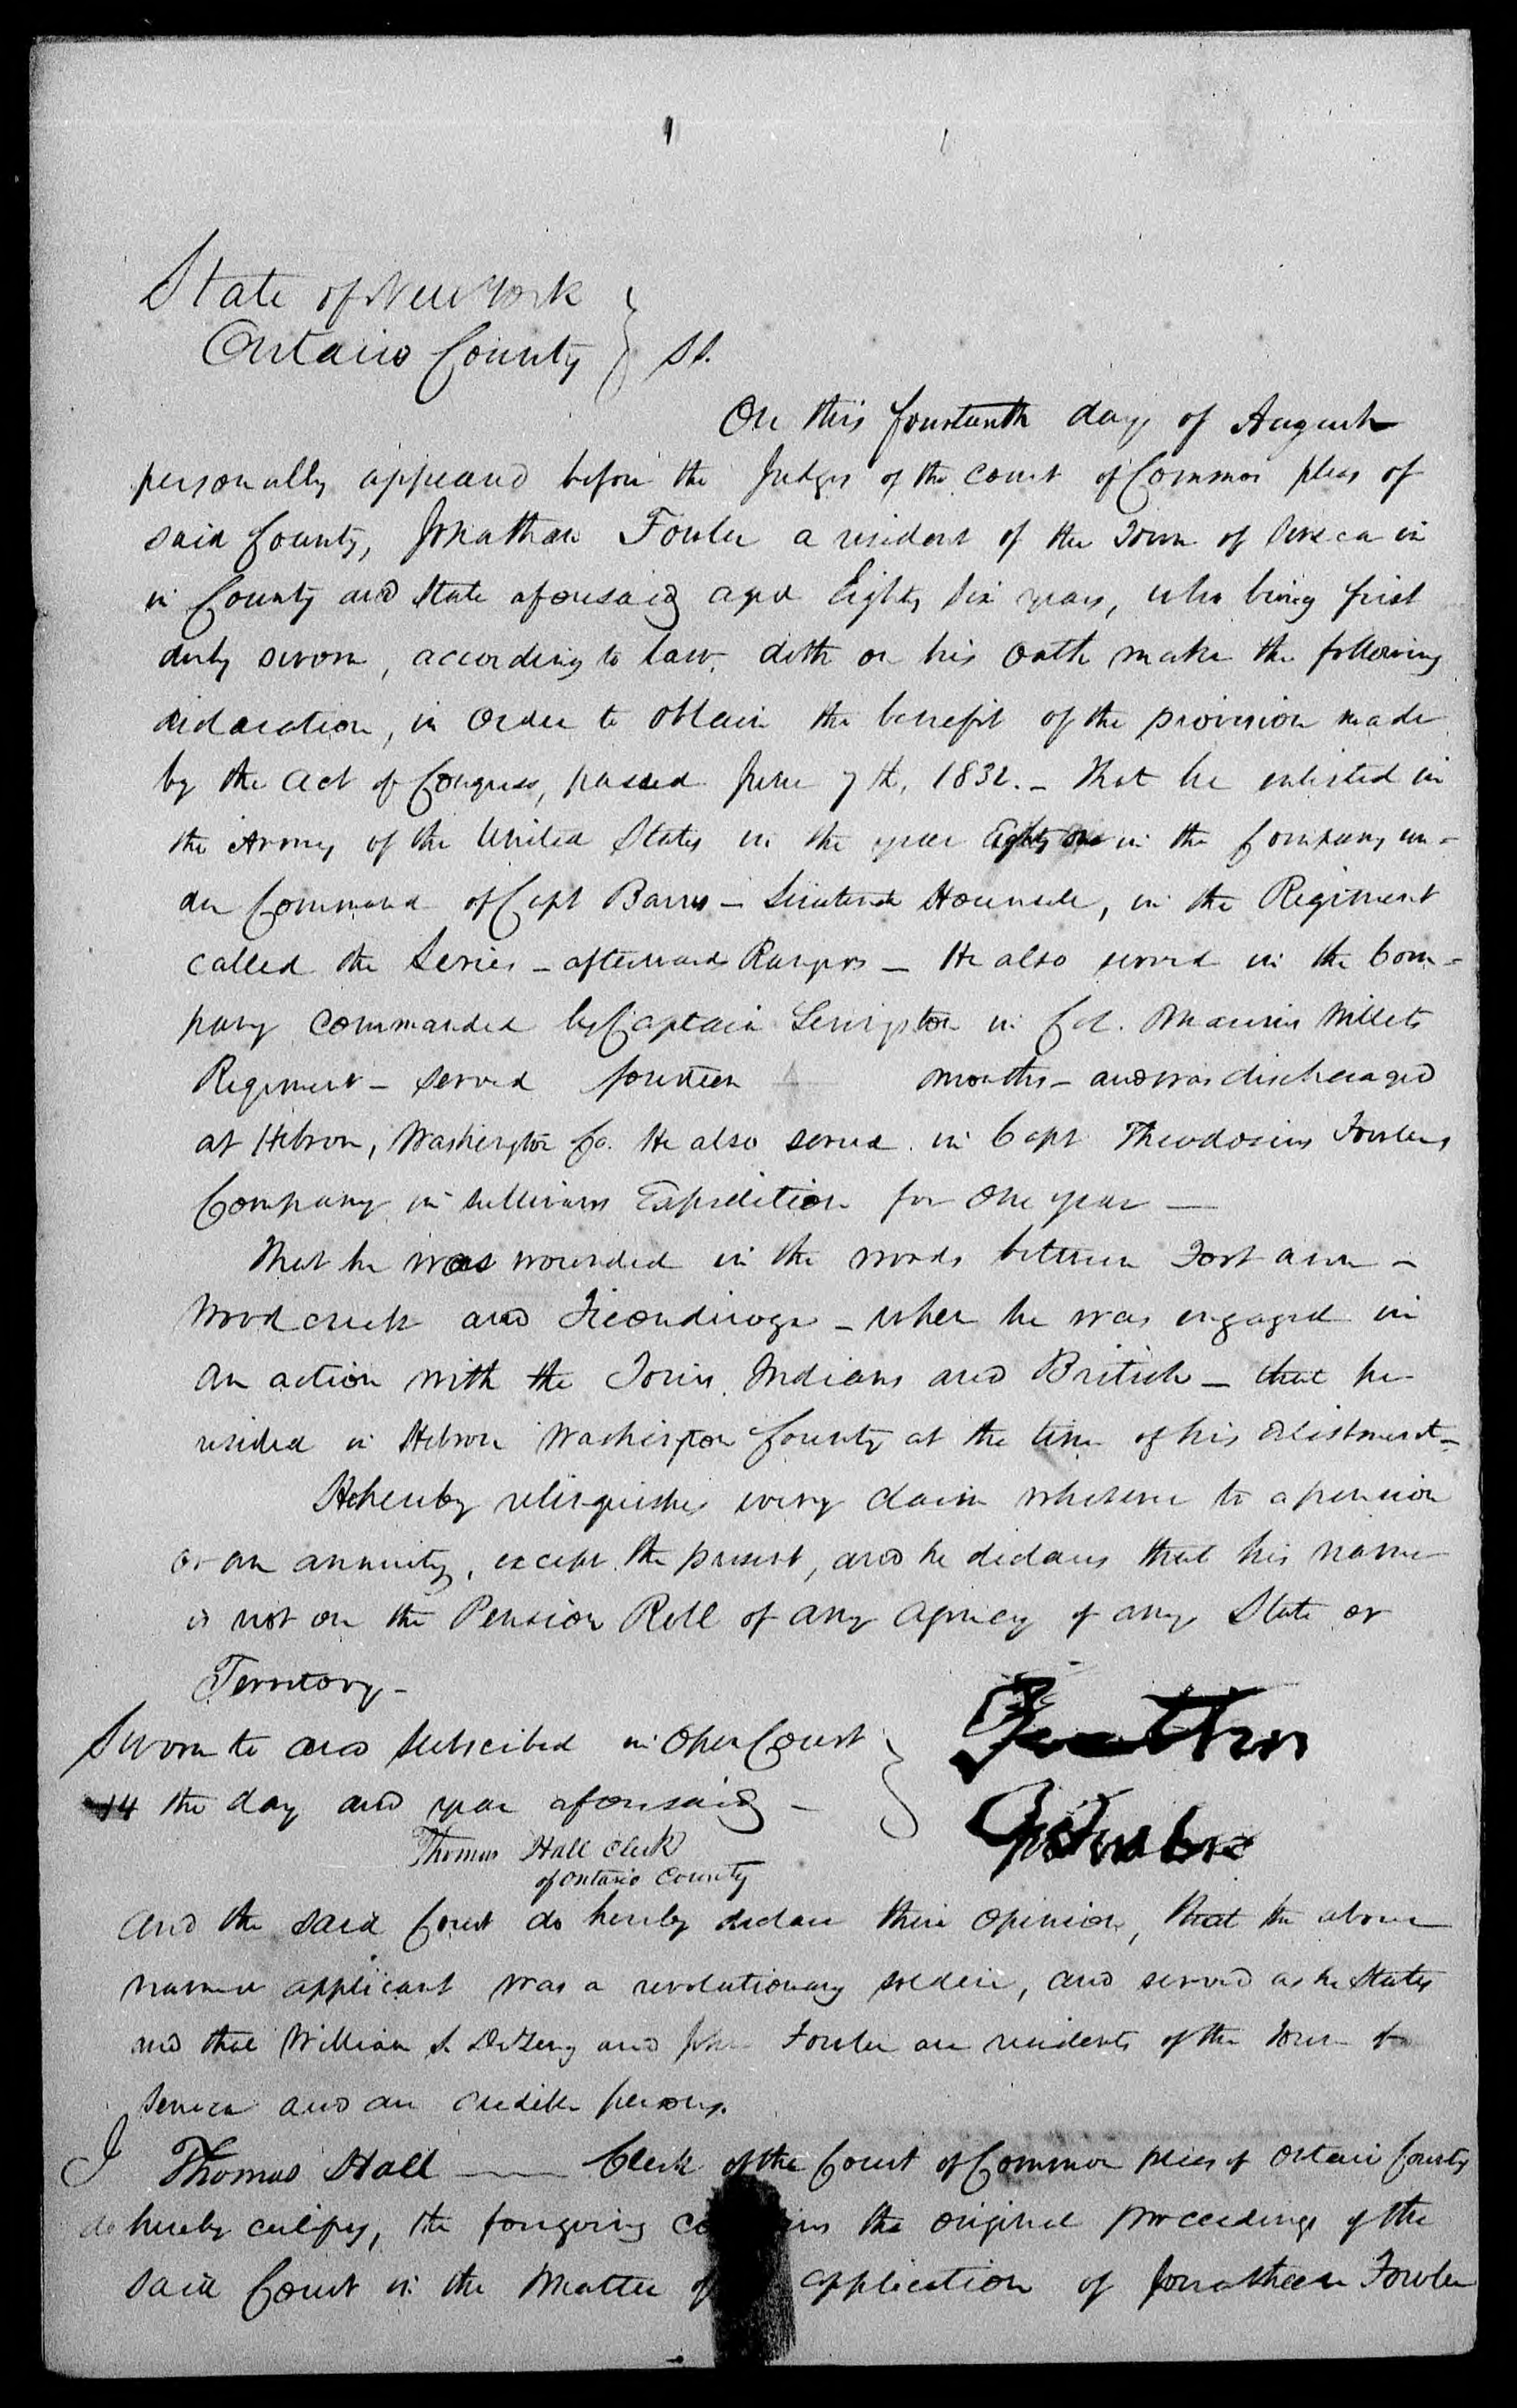State of New York, Ontario County ss.
On this fourteenth day of August personally appeared before the Judges of the Court of Common Pleas of said county, Jonathan Fowler a resident of the town of Seneca in the county and state aforesaid aged eighty six years, who being first duly sworn, according to law, doth on his oath make the following declaration, in order to obtain the benefit of the provision made by the act of Congress, passed June 7th 1832. That he enlisted in the Army of the United States in the year eighty one in the company under command of Capt Barns, Lieutenant Houndside, in the Regiment called the Series, afterwards Rangers. He also served in the company commanded by Captain Livingston in Col. Marinus Willets Regiment. Served fourteen months and was discharged at Hebron, Washington Co. He also served in Capt Theodorius Fowlers company in Sullivan Expedition for one year.
That he was wounded in the woods between Fort  Ann - Wood Creek and Ticondiroga, where he was engaged in an action with the Tories, Indians and British. That he resided in Hebron Washington County at the time of his elistment.
He hereby relinquishes every claim wherein to a pension or an annuity, except the present, and he diclares that his name is not on the Pension Roll of any agency of any state or territory.
Jonathan Fowler

Sworn to and subscribed in open court the day and year aforesaid.
Thomas Hall Clerk of Ontario County

And the said Court do hereby declare their opinion, that the above name applicant was a revolutionary soldier, and served as he states and that William S. DeZeng and John Fowler are residents of the town of Seneca and are credible persons.

I Thomas Hall Clerk of the Court of Common Pleas of Ontario County do hereby certify, the foregoing [illegible] the original proceeding of the said Court in the matter of the application of Jonathan Fowler.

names: Livingston, Fowler, William S De Zeng, Thomas Hall, Jonathan Fowler, John Fowler, Fulton, Jonathan Fowler, Barns, Thomas Hall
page: 11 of 44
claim: survivor's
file: S. 23639, Jonathan Fowler, New York